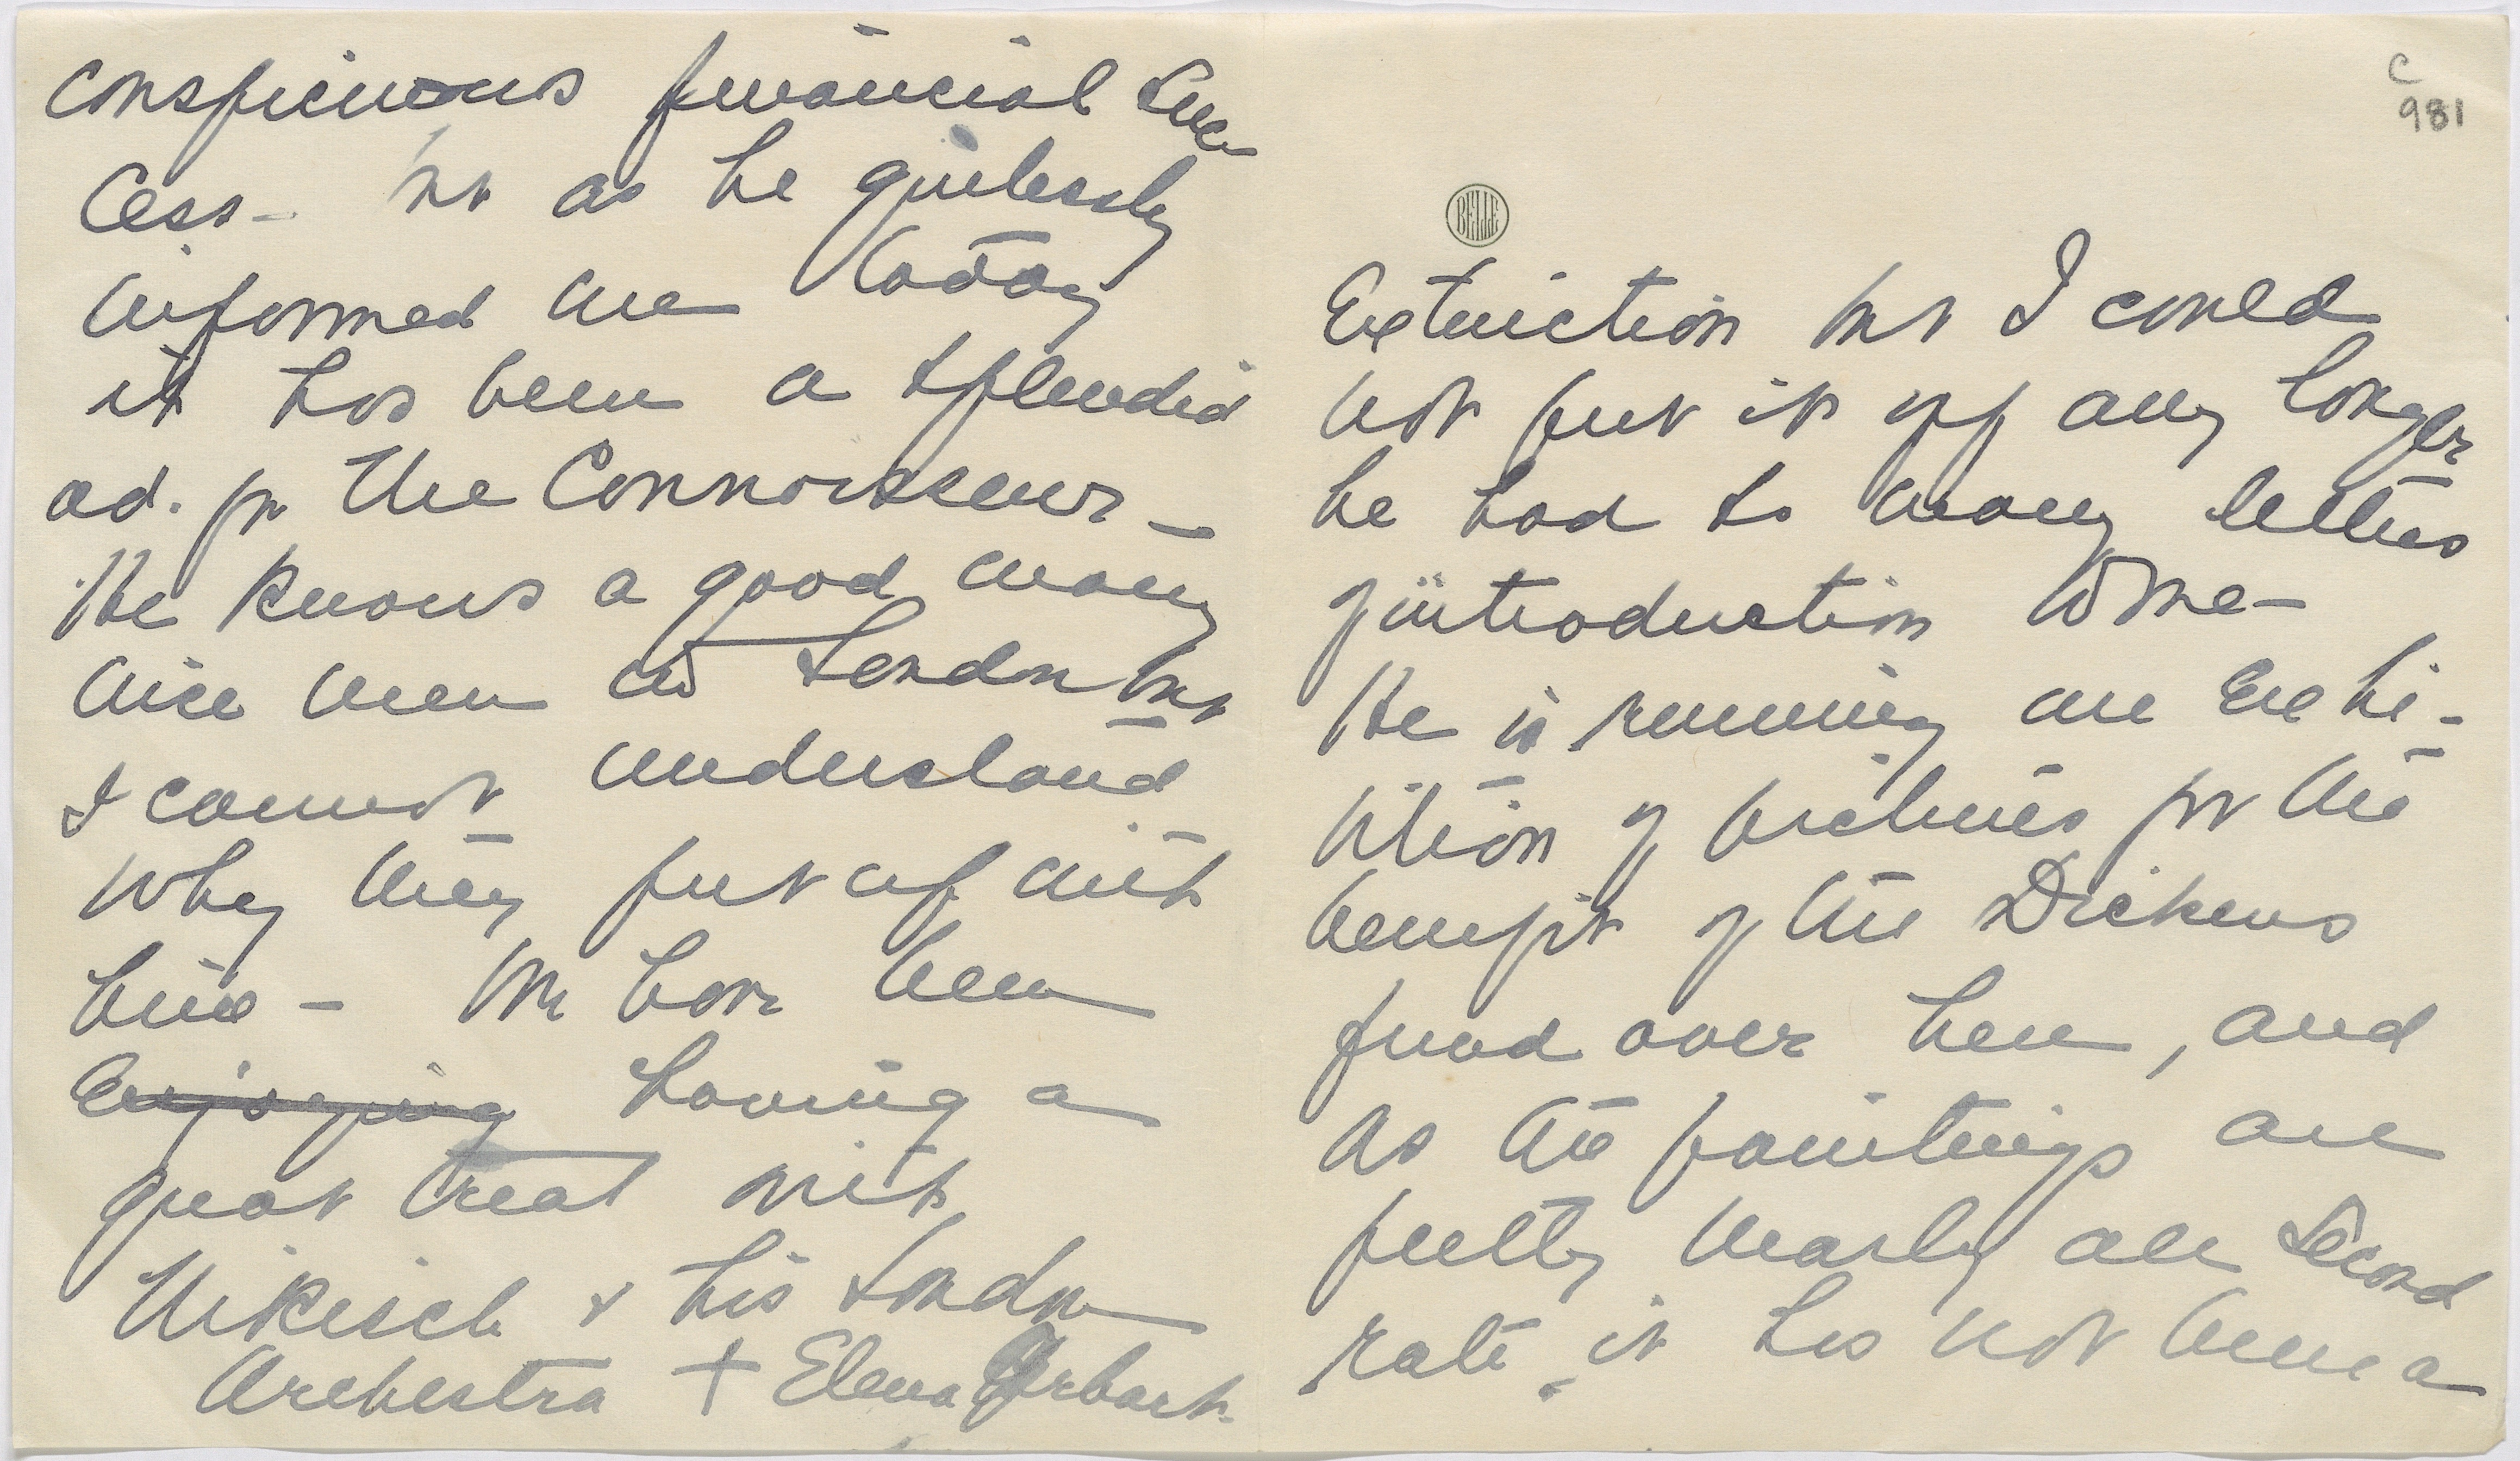extinction but I could not put it off any longer he had so many letters of introduction to me –
he is running an exhibition of pictures for the benefit of the Dickens fund over here, and as the paintings are pretty nearly all second rate, it has not been a
conspicuous financial success – but as he guilessly [sic] informed me today it has been a splendid ad. for the Connoisseur – he knows a good many nice men in London but I cannot understand why they put up with him – We have been enjoying having a great treat with Nikisch & his London Orchestra & Elena Gerhart [sic]